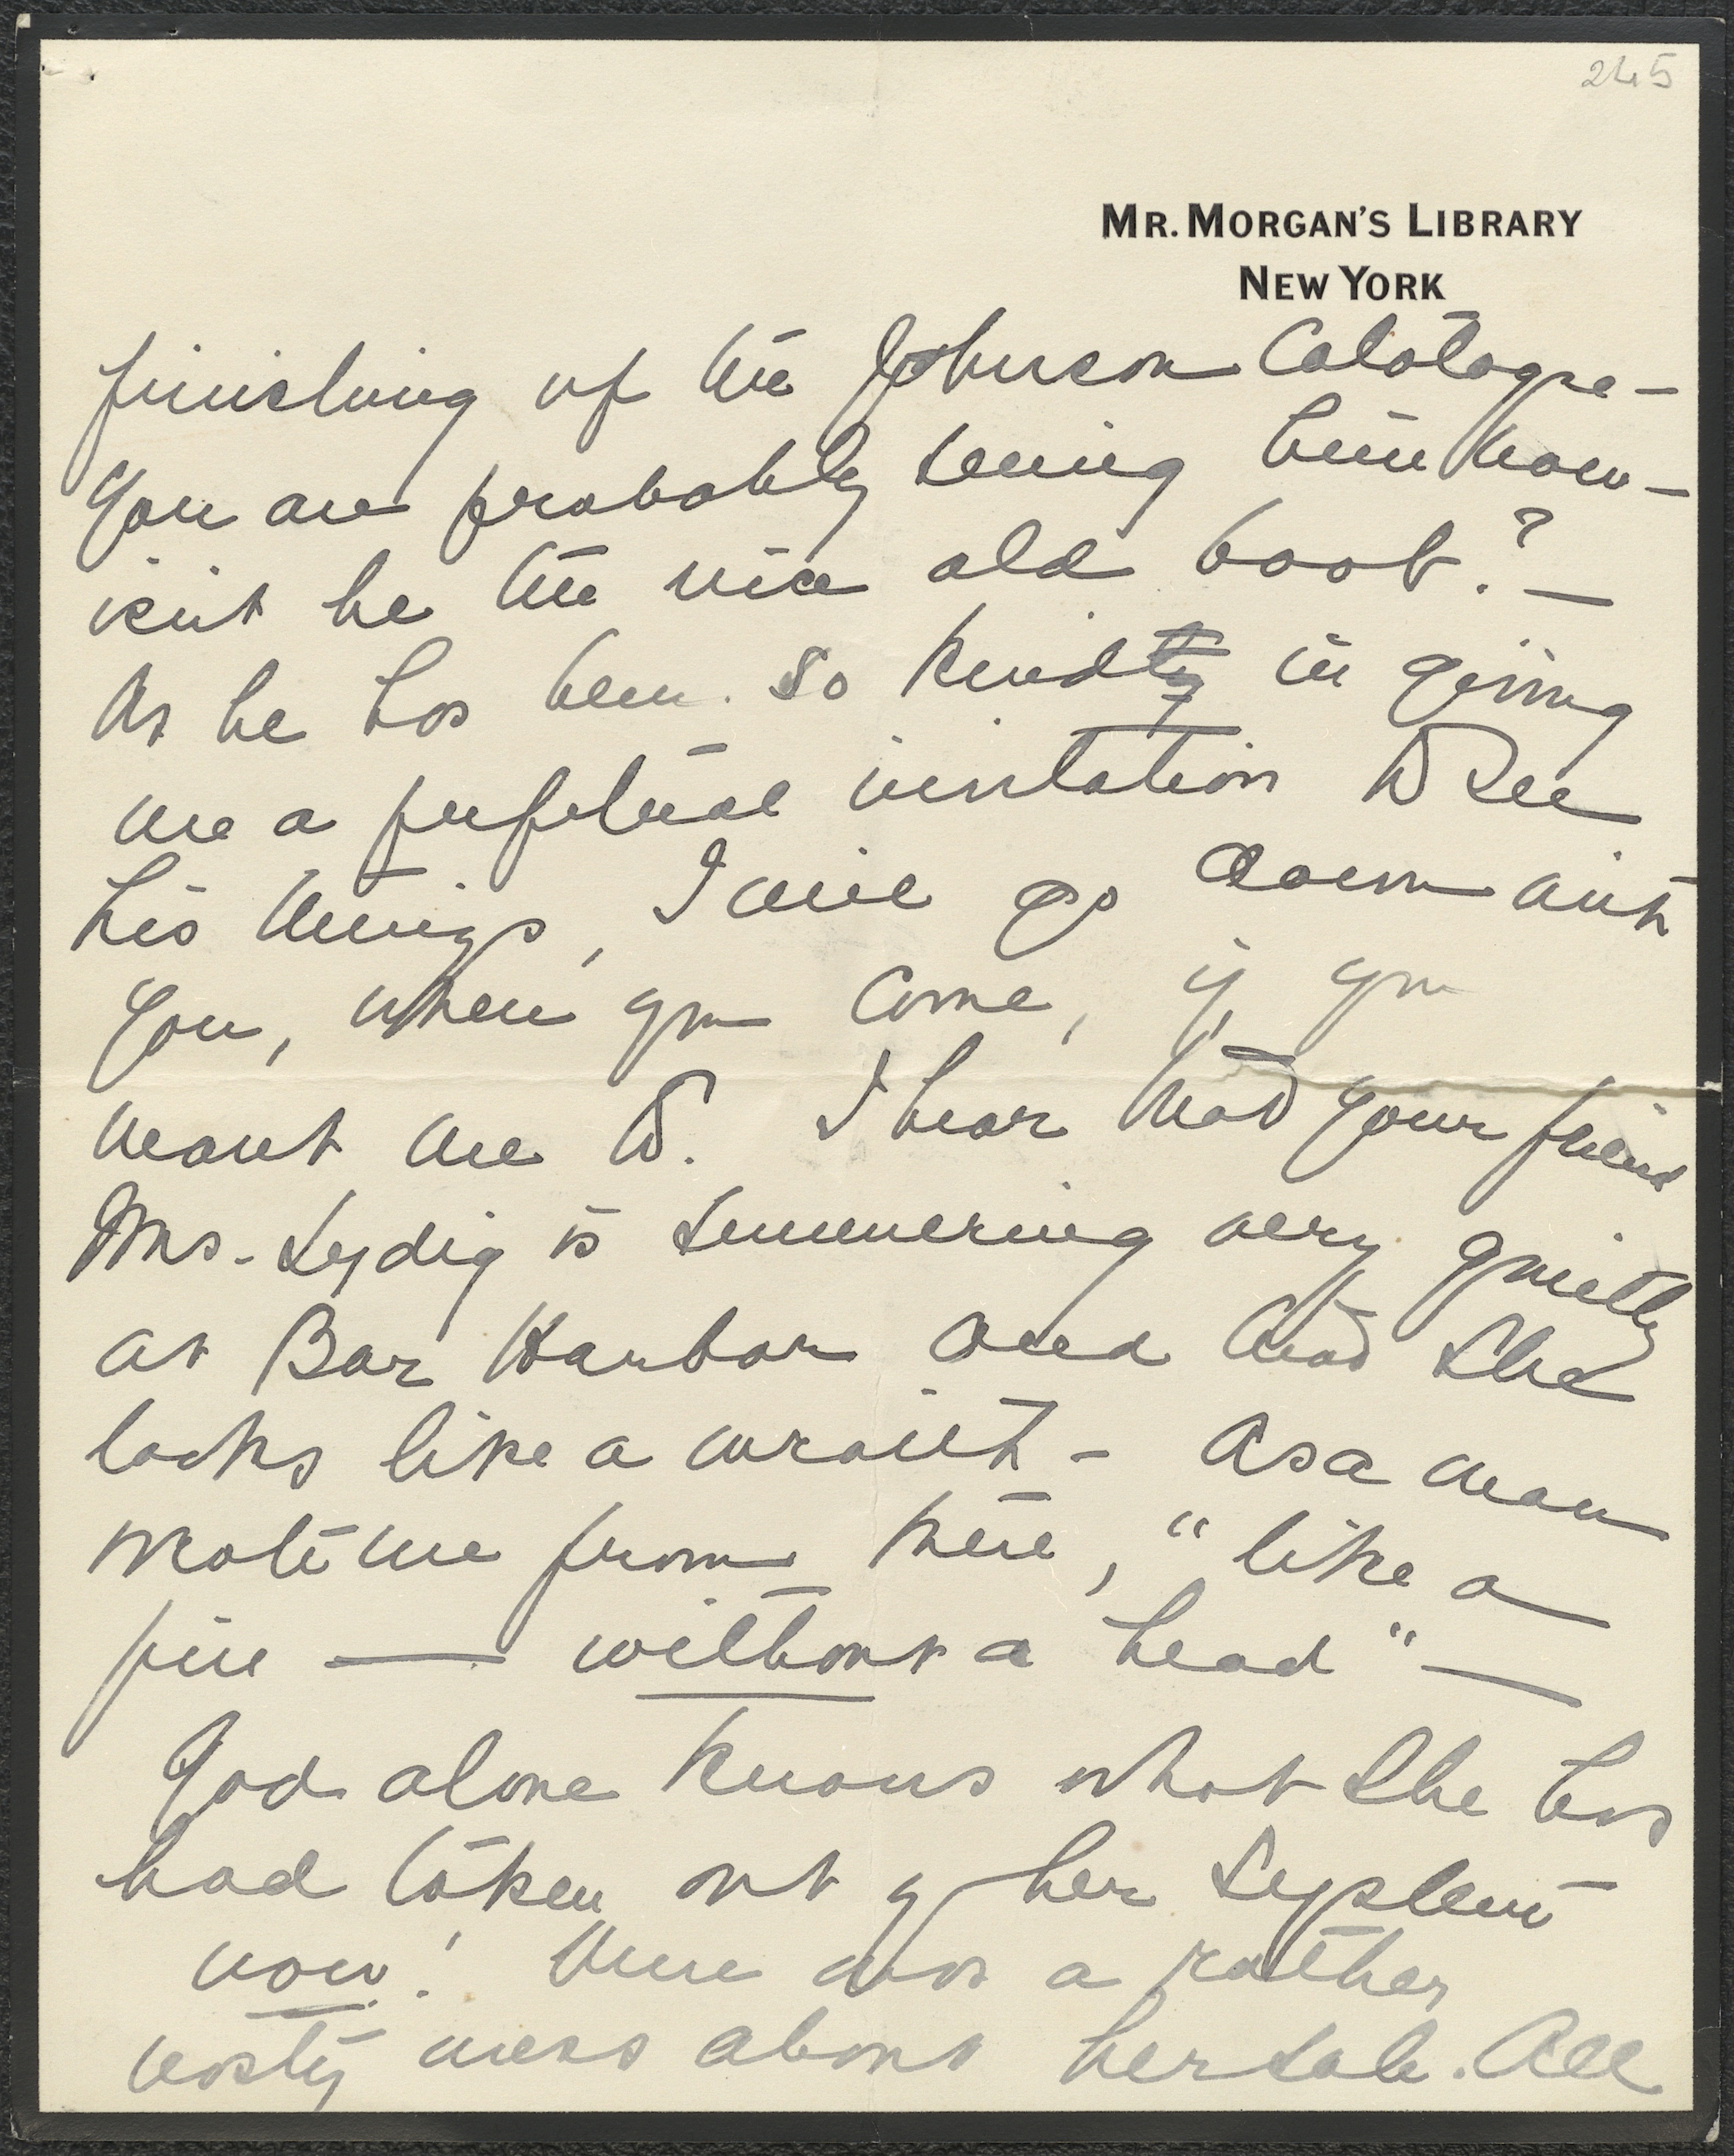finishing up the Johnson Catalogue –
You are probably seeing him now – isn’t he the nice old boob? –
As he has been so kindly in giving me a perpetual invitation to see his things, I will go down with you, when you come, if you want me to. I hear that your friend Mrs. Lydig is summering very quietly at Bar Harbor and that she looks like a wraith – as a man wrote me from there, “like a pin – without a head” –
God alone knows what she has had taken out of her system – wow! There was a rather nasty mess about her sale. All